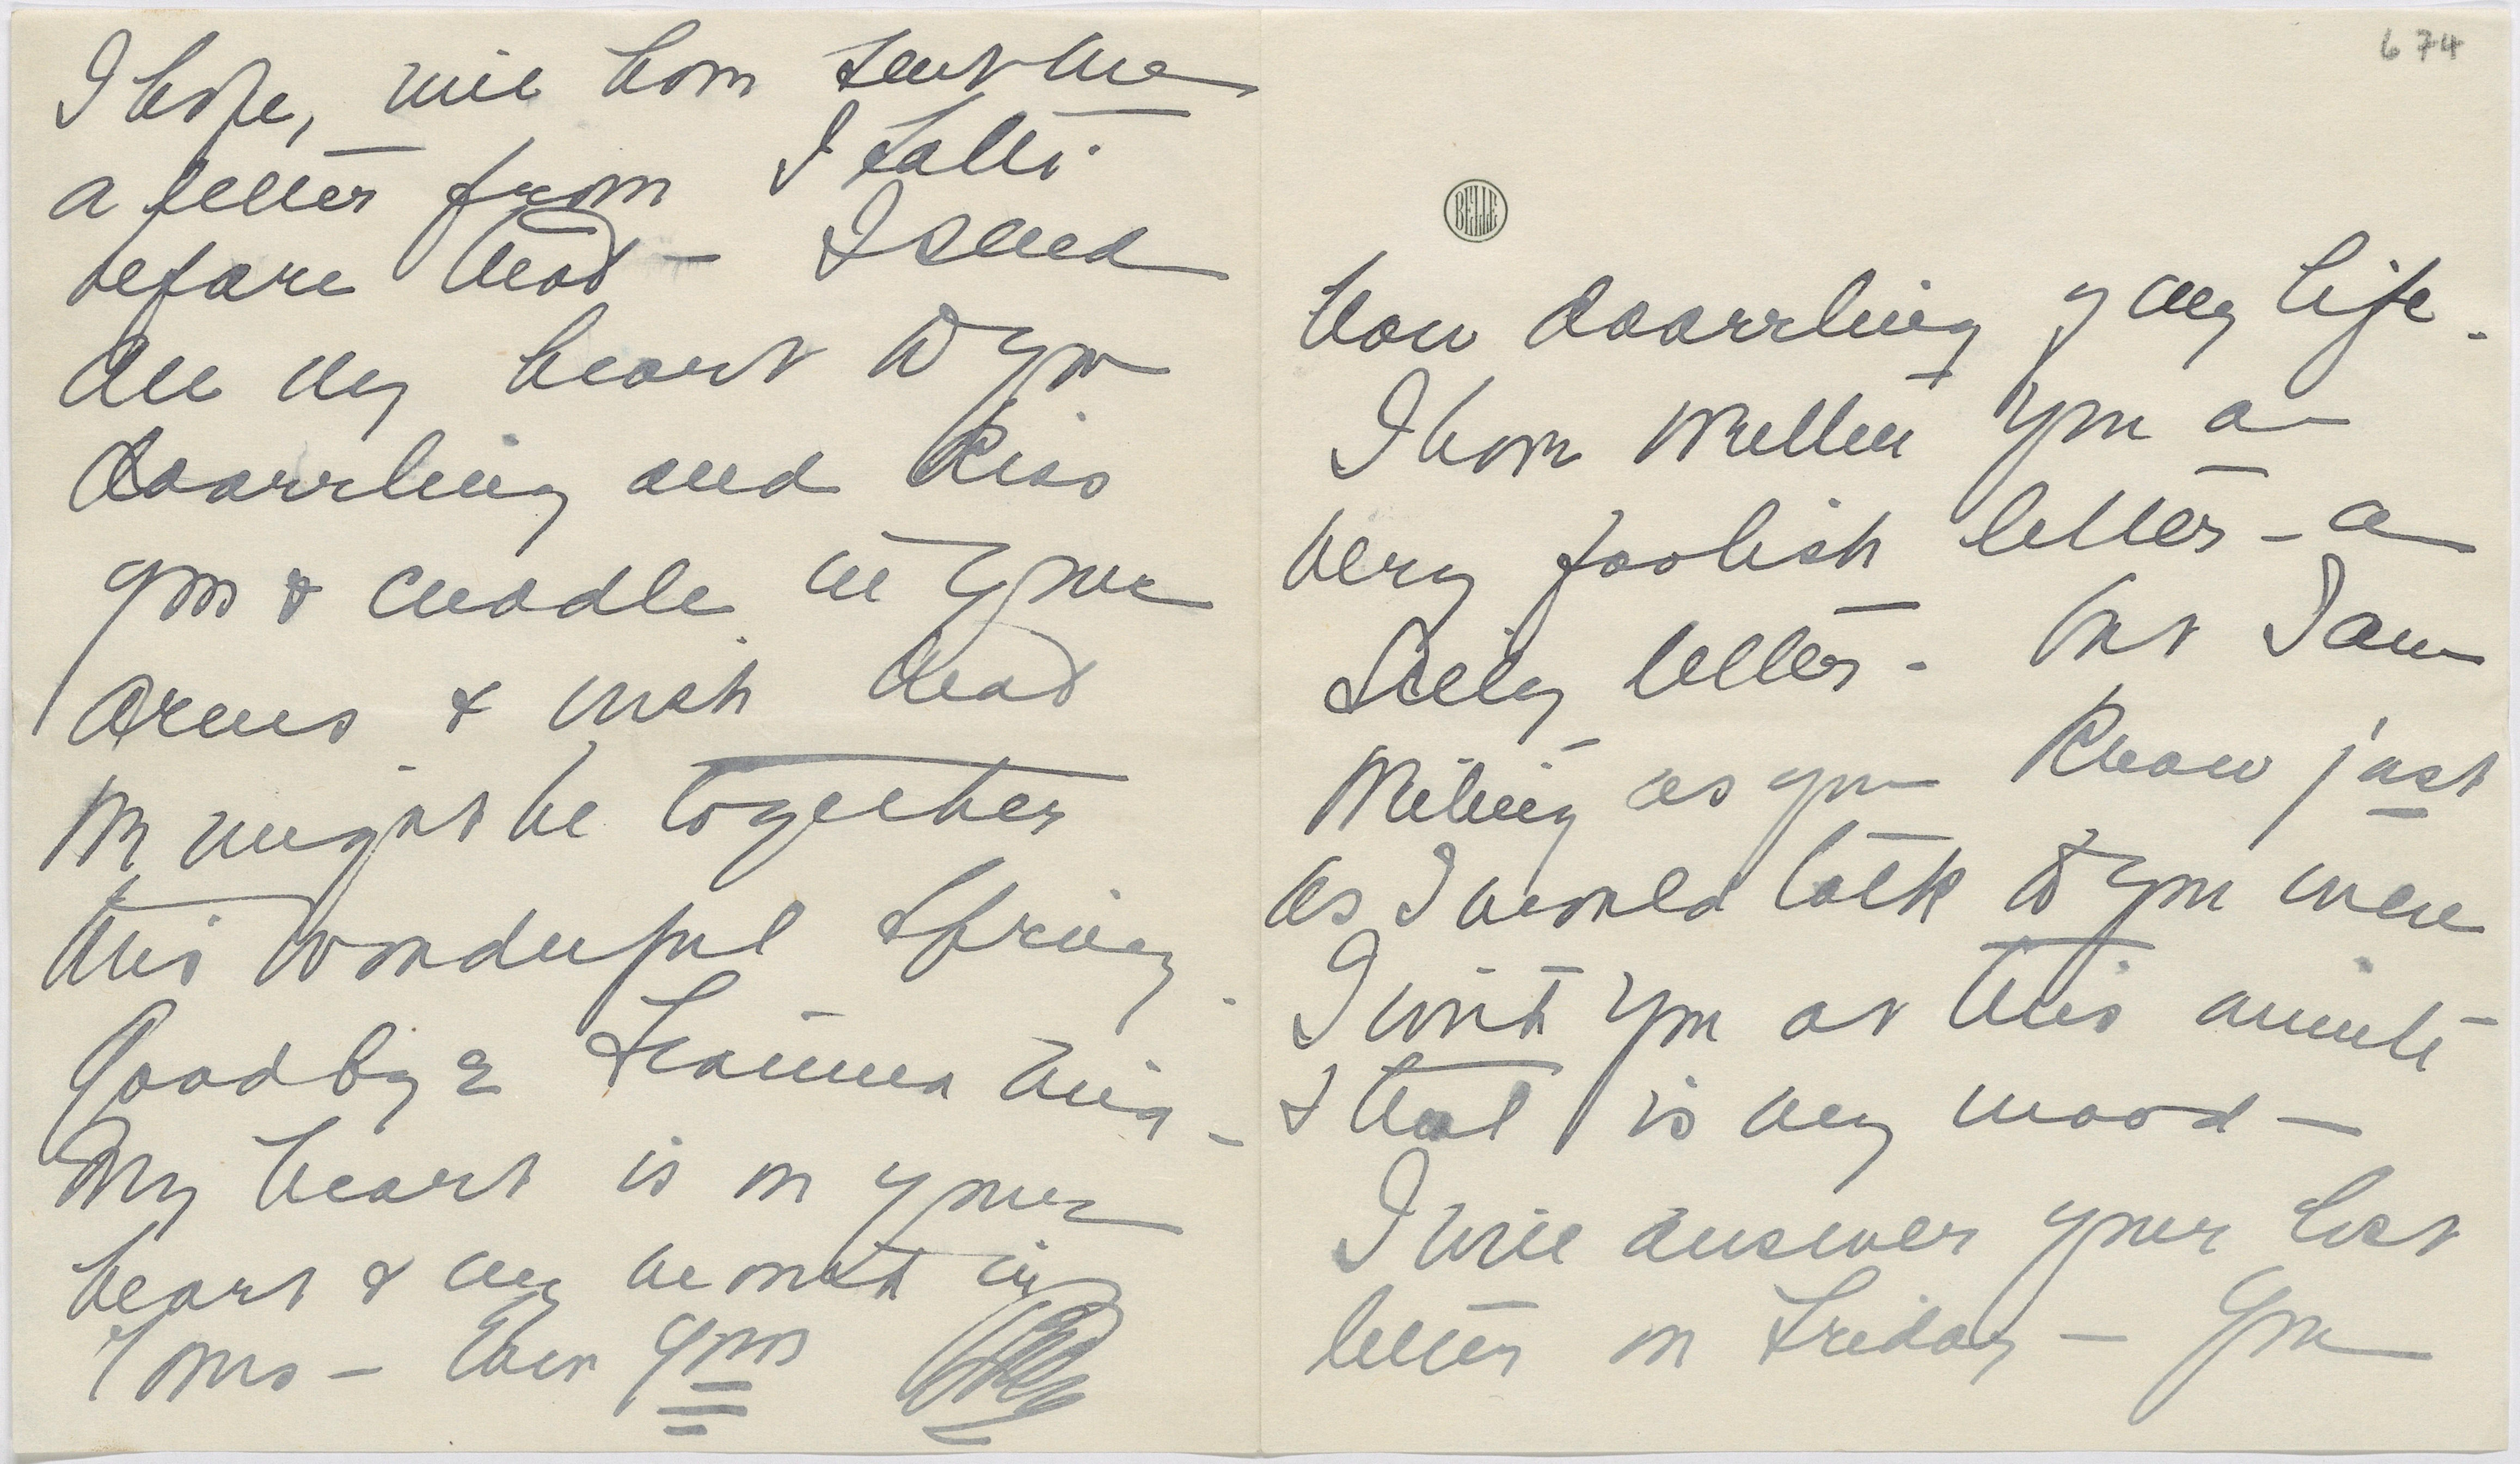Now daarrling of my life –
I have written you a very foolish letter – a silly letter – but I am writing as you know just as I would talk to you were I with you at this minute & that is my mood –
I will answer your last letter on Friday – You
I hope, will have sent me a letter from I Tatti before that – I send all my heart to you daarrling and kiss you & cuddle in your arms & wish that we might be together this wonderful spring Goodbye Fiamma mia – My heart is on your heart & my mouth in yours – Ever [triple underlined: yours] Belle